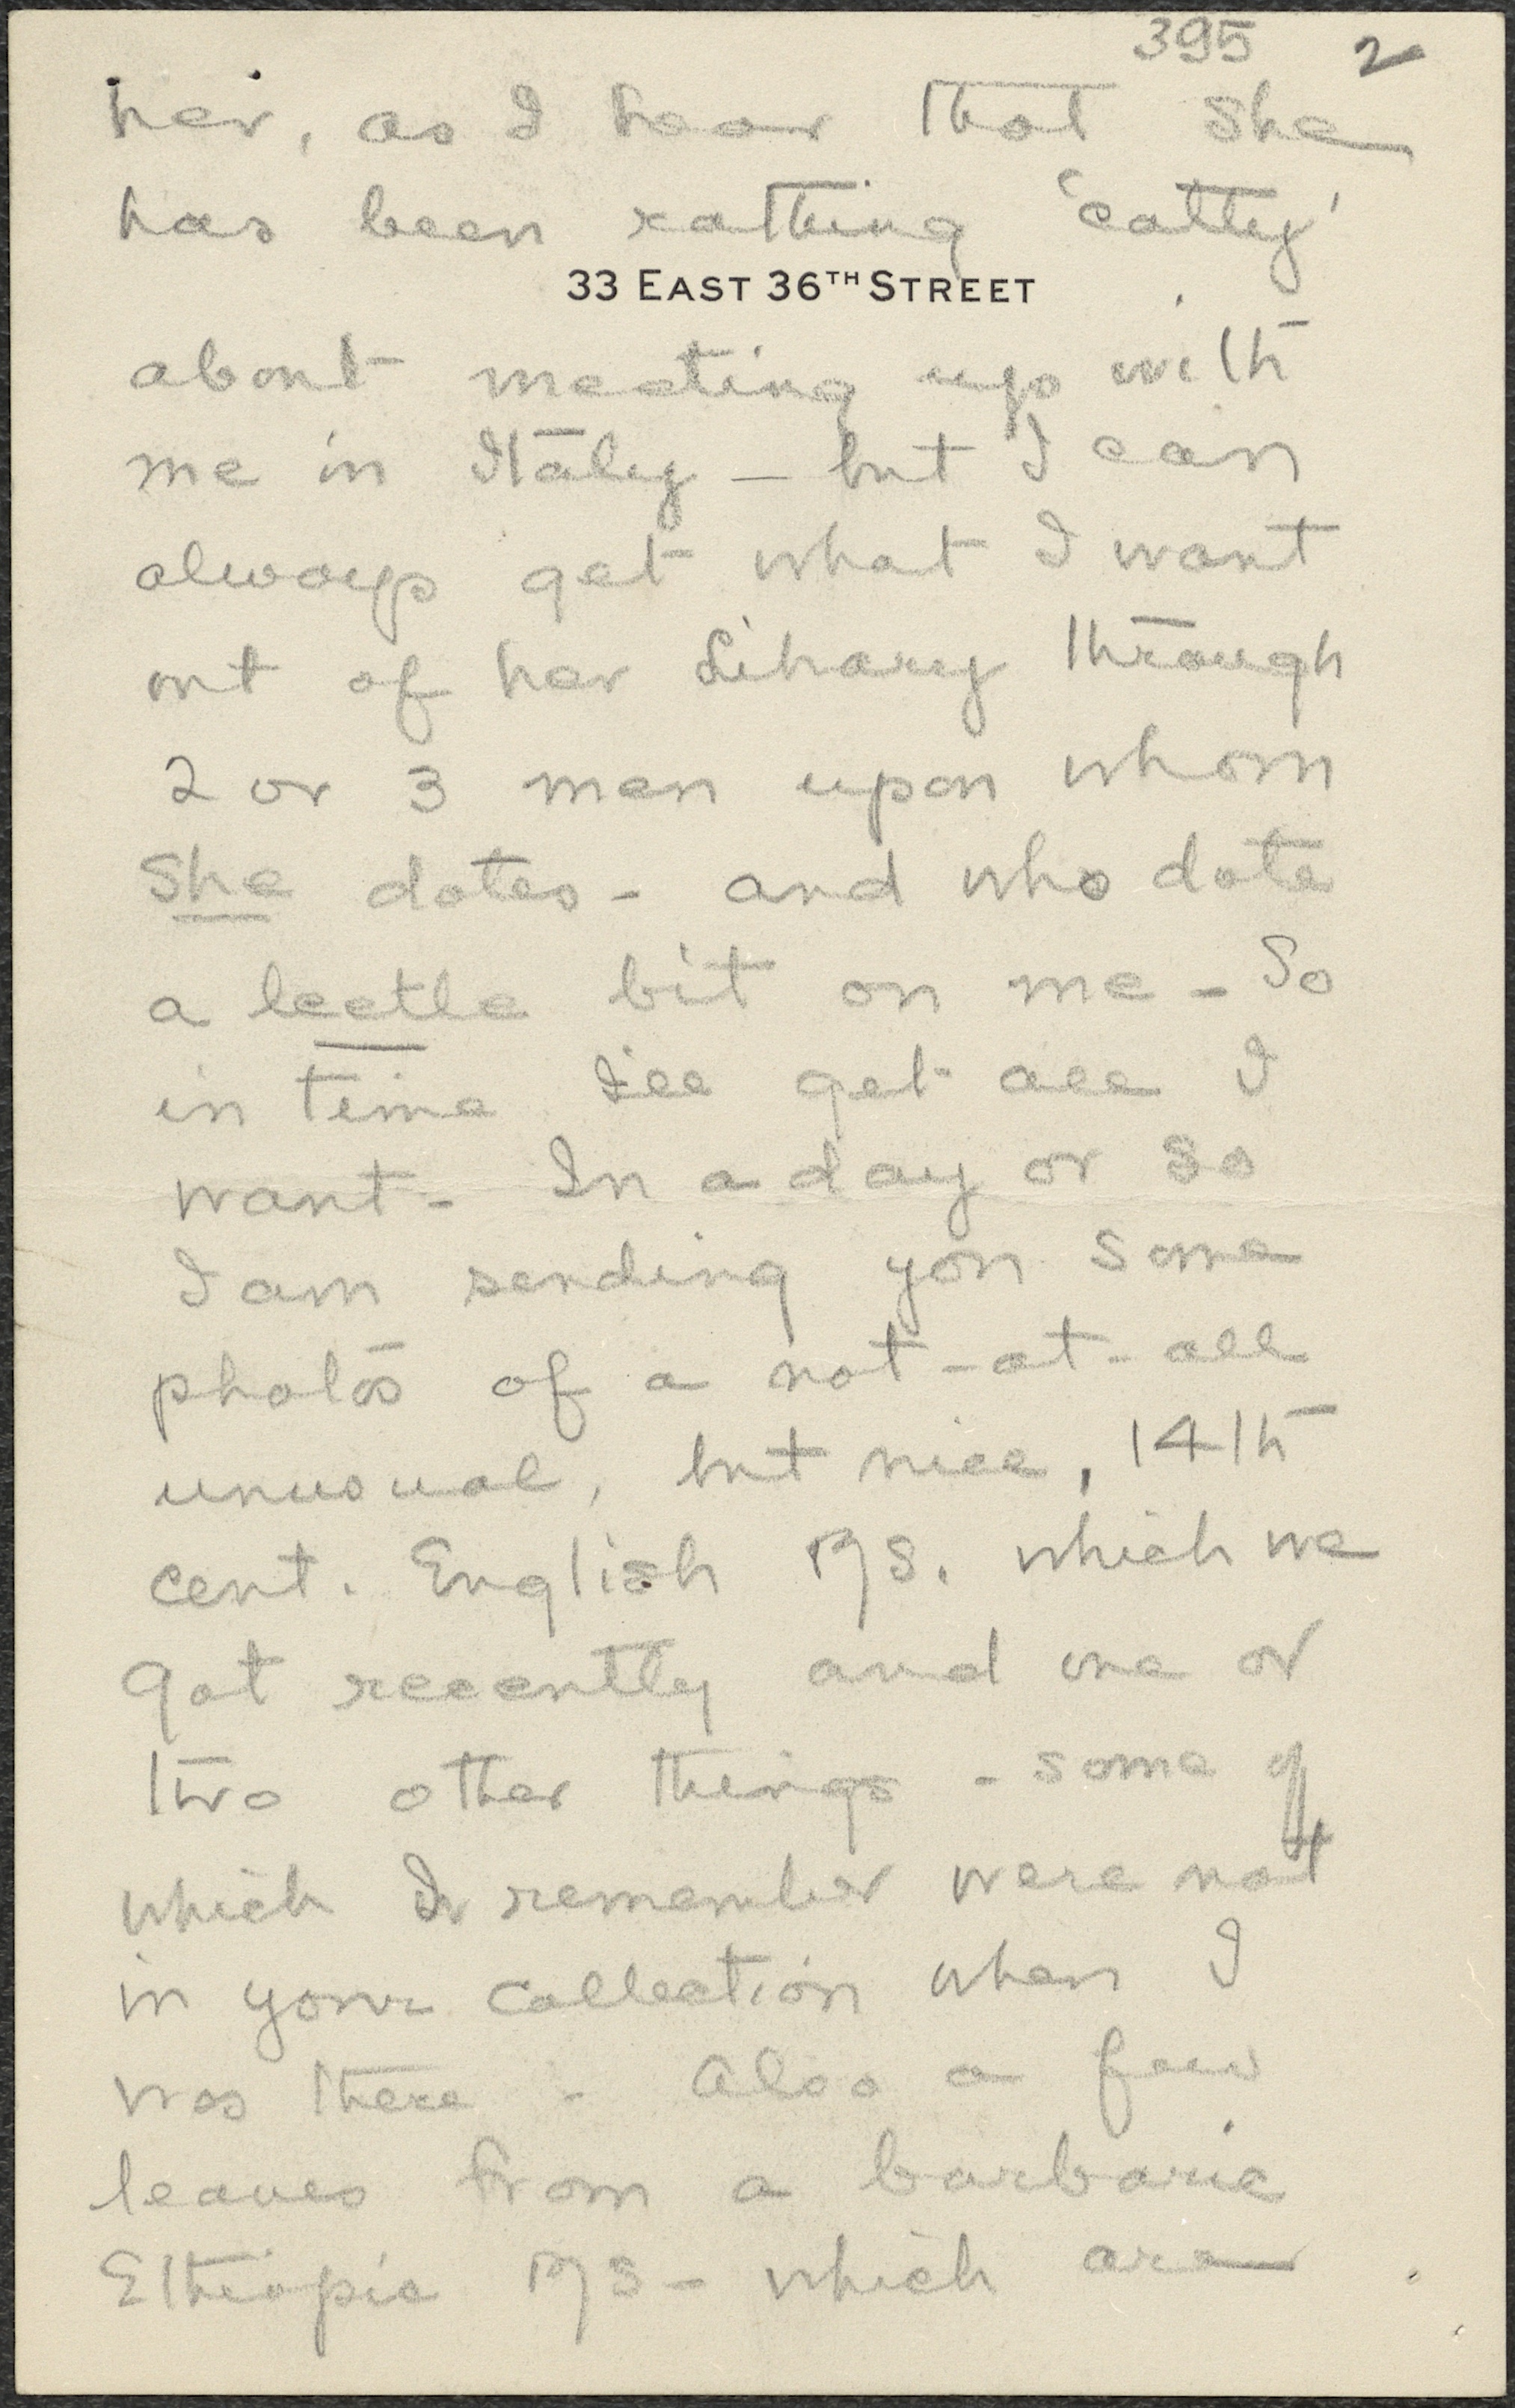her, as I hear that she has been rathing “catty” about meeting up with me in Italy – but I can always get what I want out of her Library through 2 or 3 men upon whom she dotes – and who dote a leetle bit on me – So in time I’ll get all I want – In a day or so I am sending you some photos of a not-at-all unusual, but nice, 14th cent. English MS. which we got recently and one or two other things – some of which I remember were not in your collection when I was there. Also a few leaves from a barbaric Ethiopia MS – which are